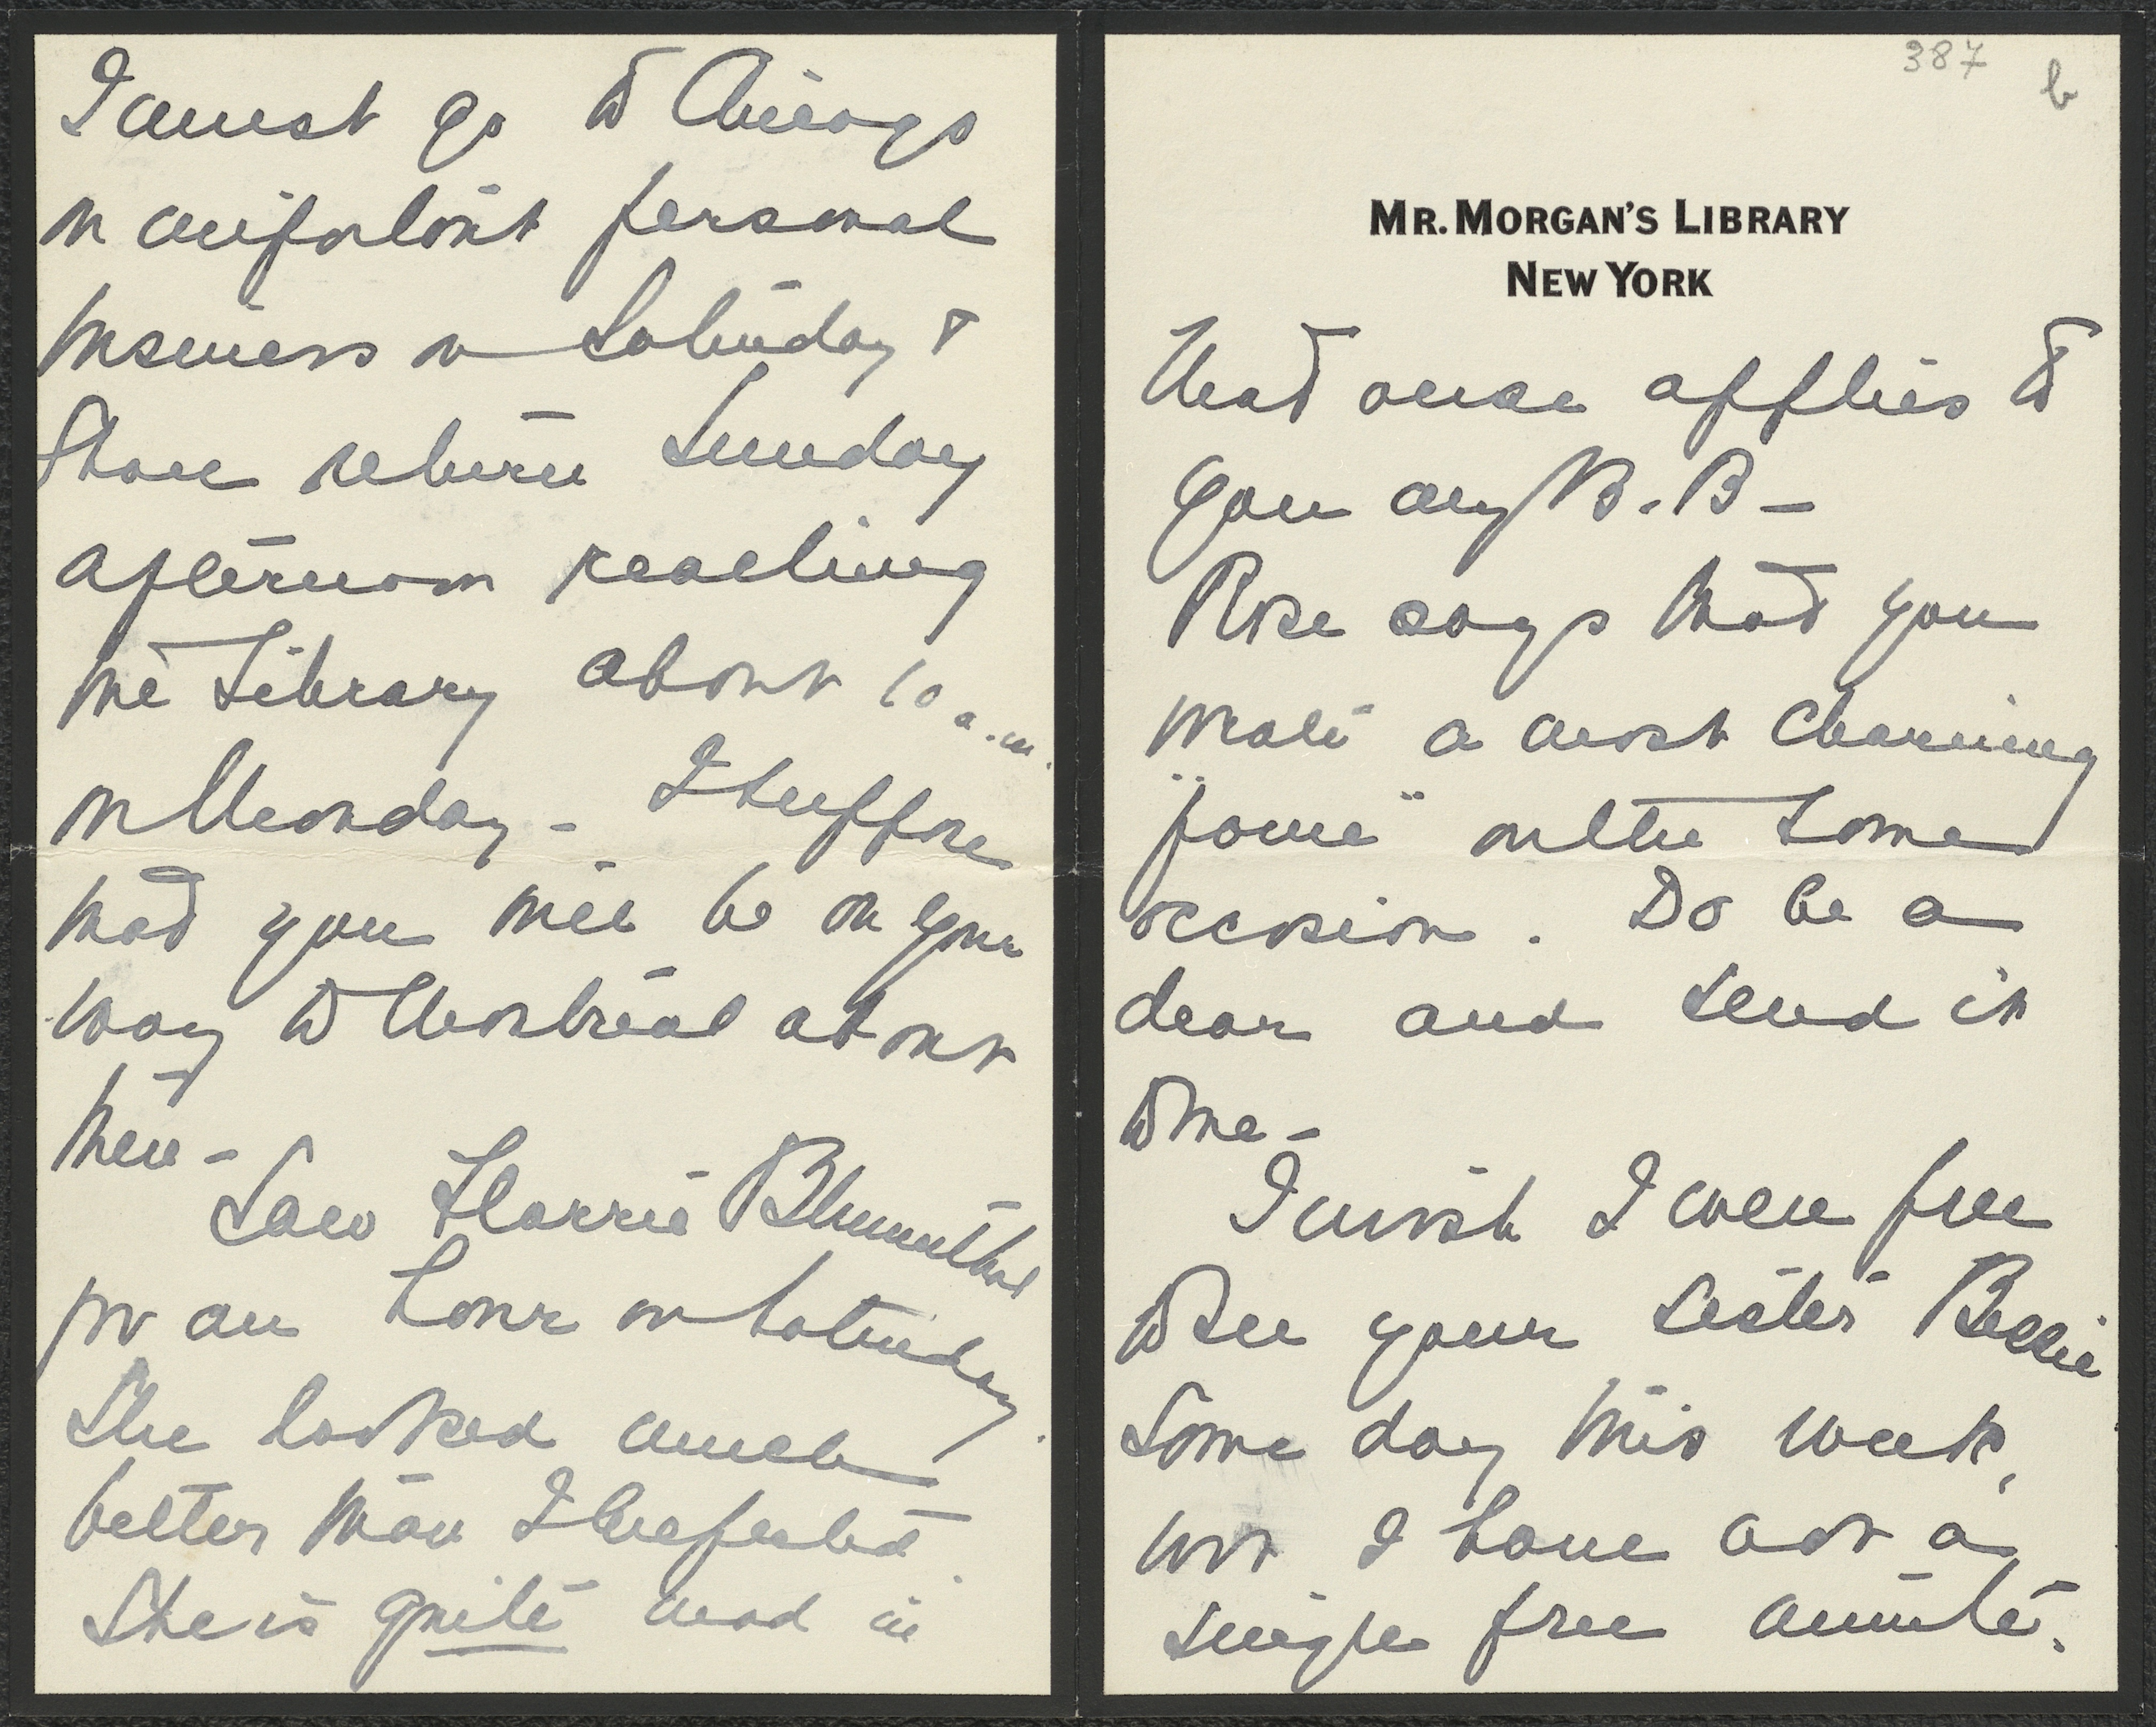that verse applies to you my B.B. – Rose says that you wrote a most charming “pome” on the same occasion. Do be a dear and send it to me –
I wish I were free to see your sister Bessie some day this week, but I have not a single free minute.
I must go to Chicago on important personal business on Saturday & shall return Sunday afternoon reaching the library about 10 a.m. on Monday – I suppose that you will be on your way to Montreal about then –
Saw Florrie Blumenthal for an hour on Saturday. She looked much better than I expected. She is quite mad in